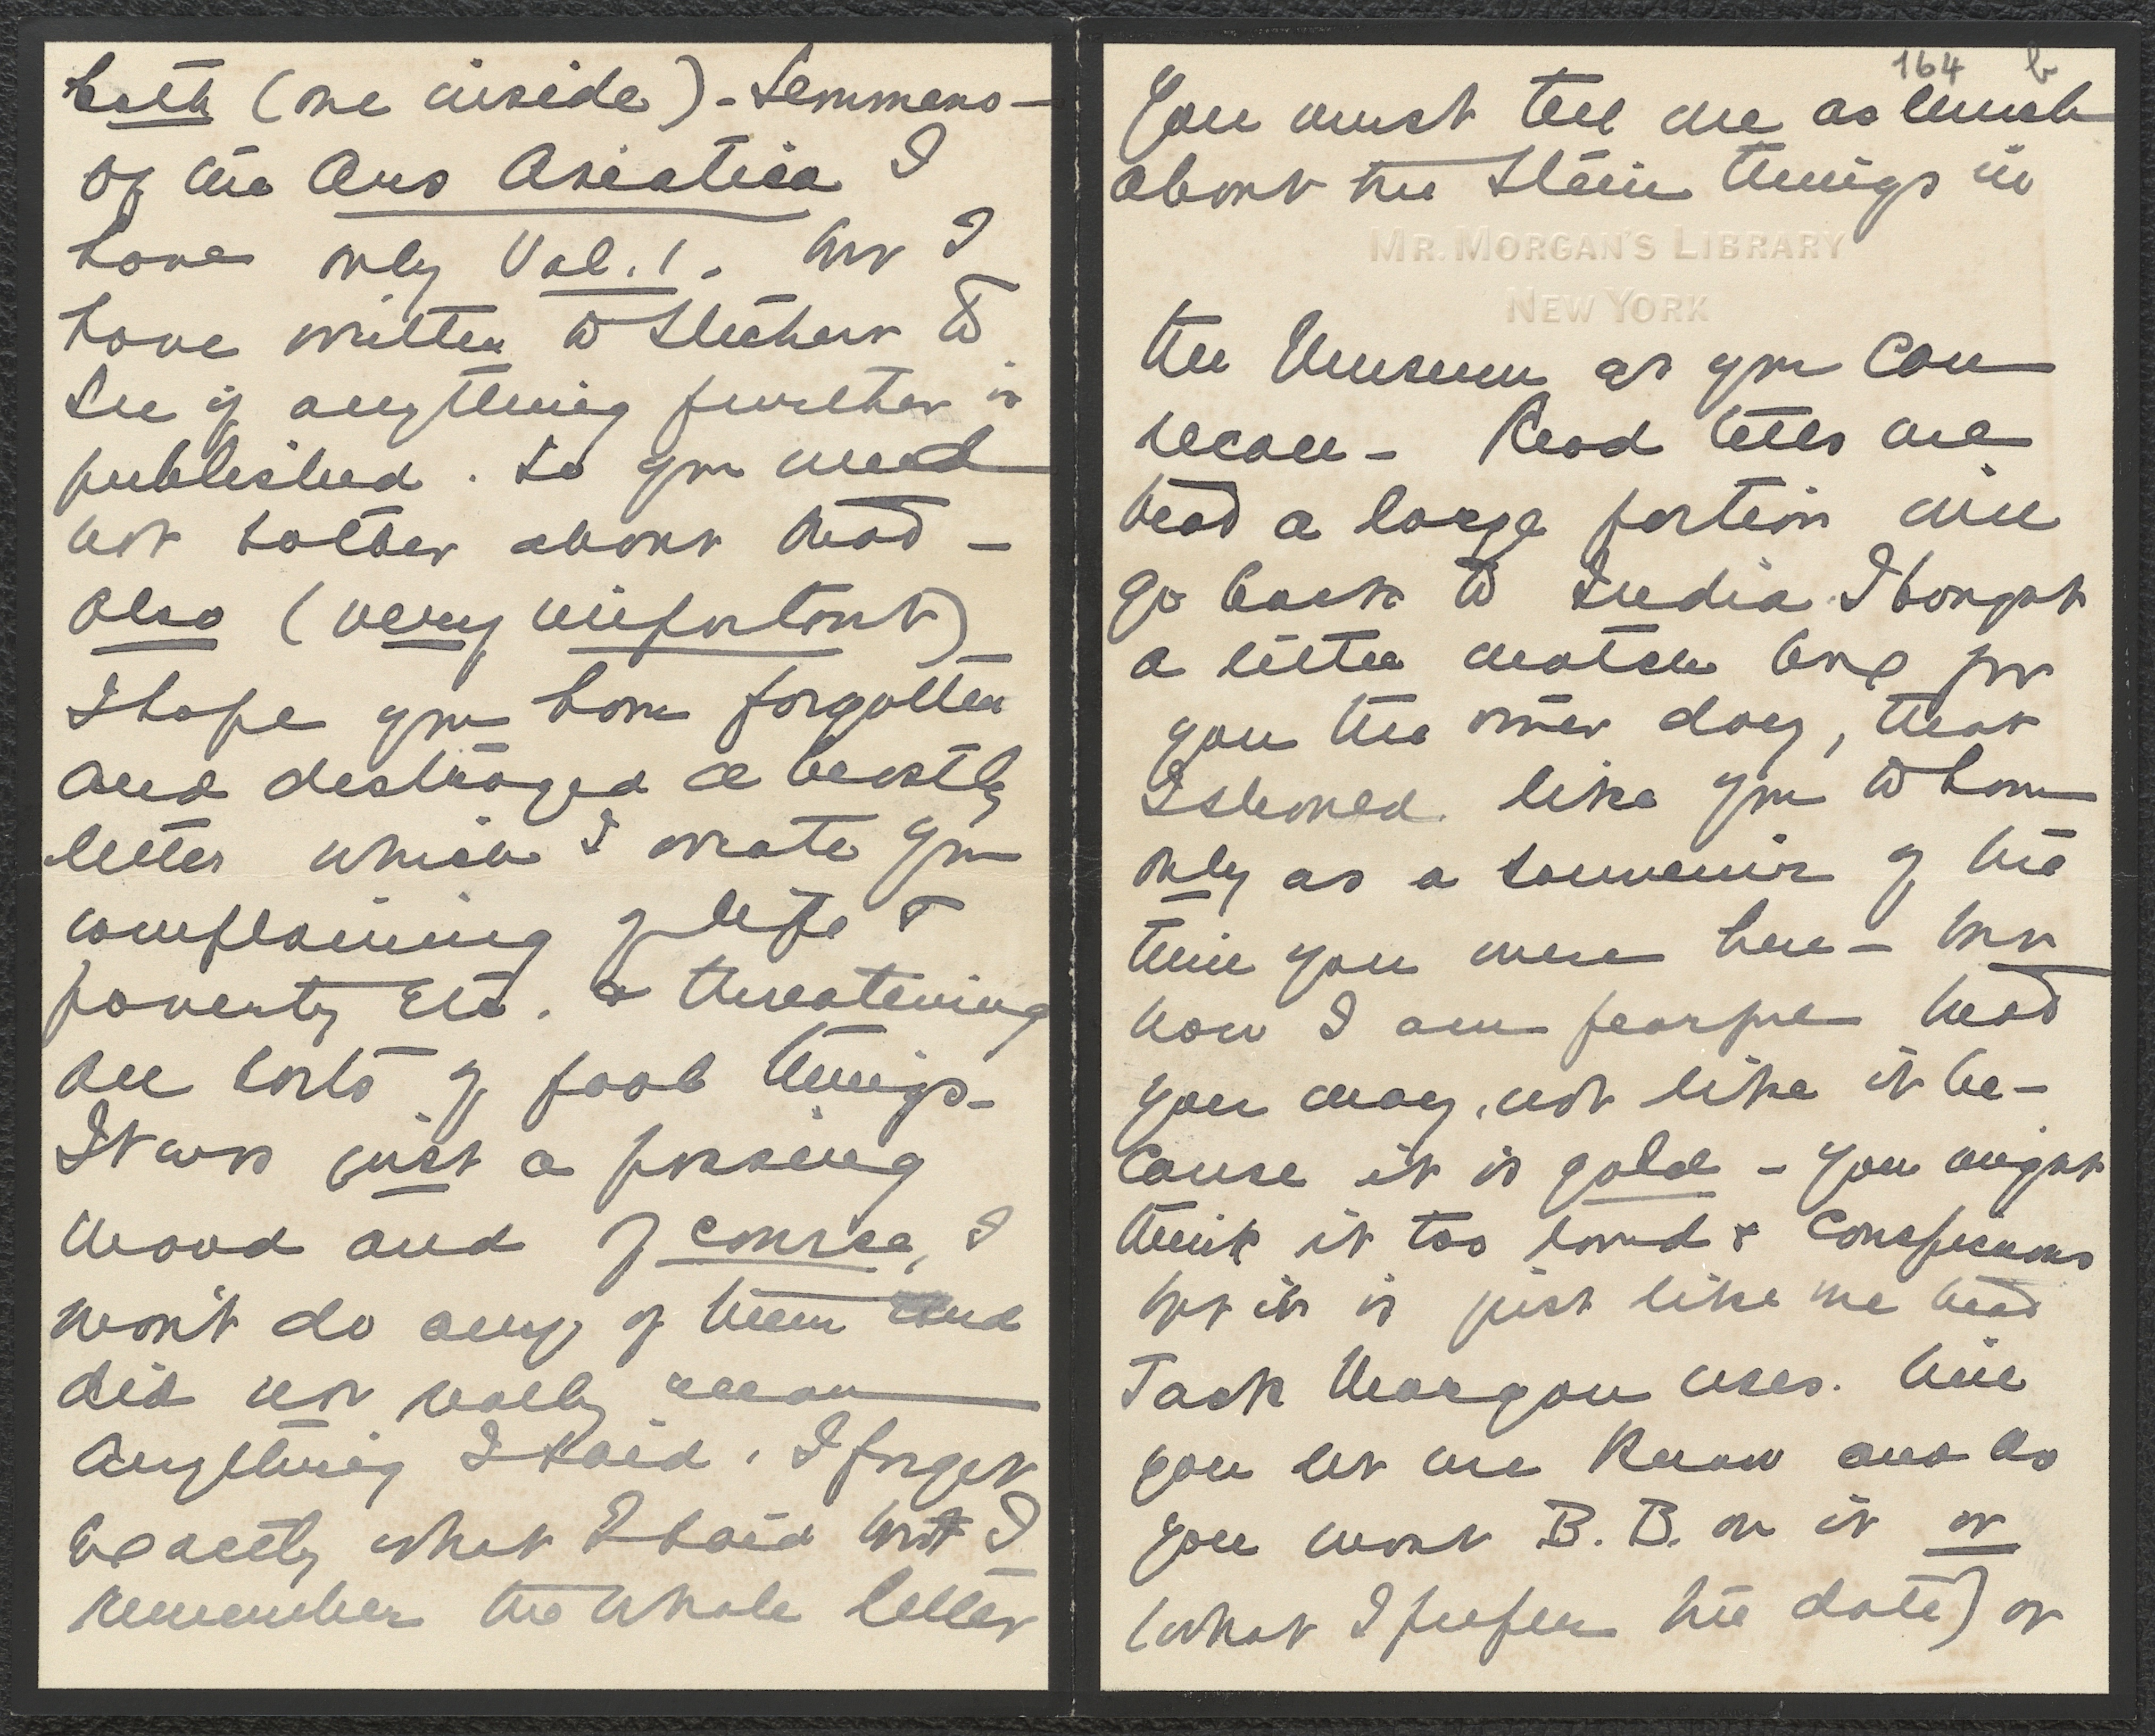You must tell me as much about the Stein things in the Museum as you can recall – Read tells me that a large portion will go back to India. I bought a little match box for you the other day, that I should like you to have only as a souvenir of the time you were here – but now I am fearful that you may not like it because it is gold – You might think it too loud & conspicuous but it is just like one that Jack Morgan uses. Will you let me know and so you want B. B. on it or (what I prefer the date) or
both (one inside) – Semmens – of the Ars Asiatica I have only Vol. 1 – but I have written to Stichert to see if anything further is published. so you need not bother about that – also (very important) – I hope you have forgotten and destroyed a beastly letter which I wrote you complaining of life & poverty etc. & threatening all sorts of fool things – It was just a passing mood and of course, I won’t do any of them and did not really mean anything I said. I forget exactly what I said but I remember the whole letter